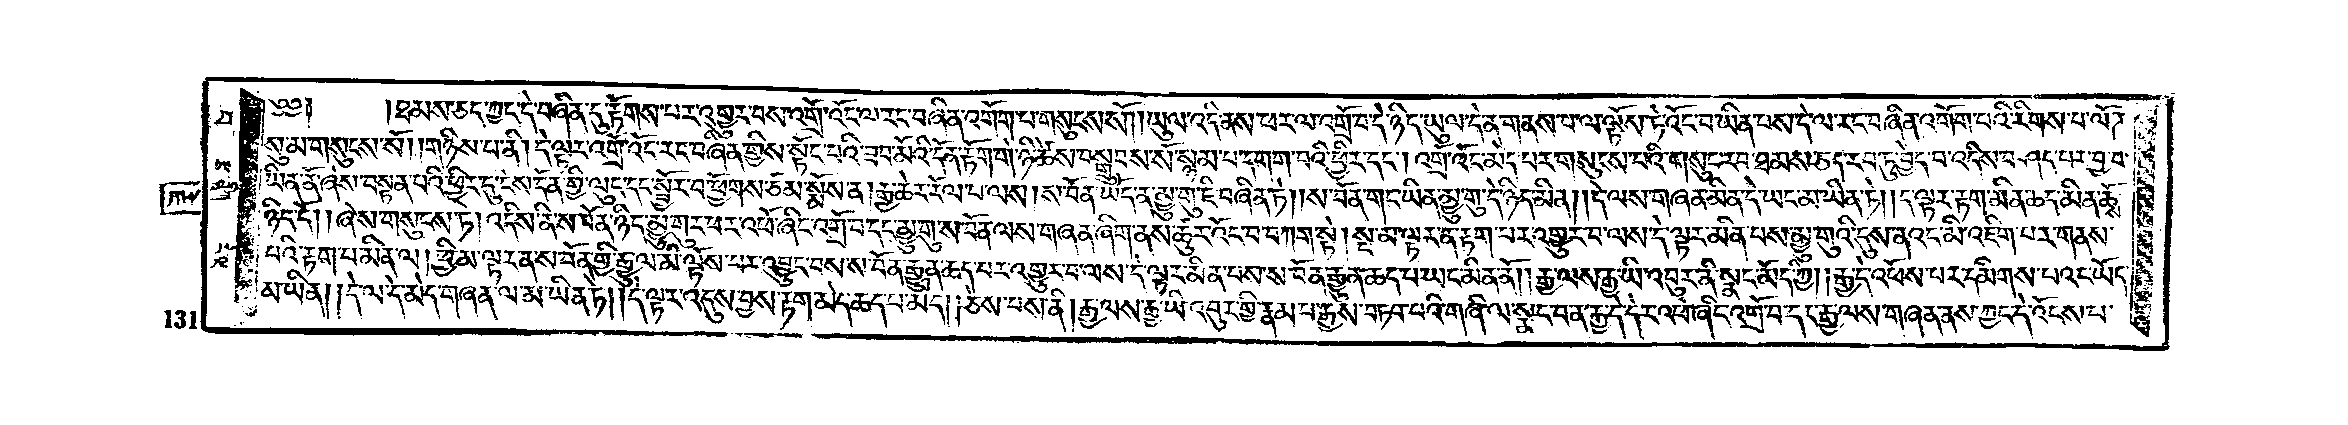༄༅། །ཐམས་ཅད་ཀྱང་དེ་བཞིན་དུ་རྟོགས་པར་འགྱུར་བས་འགྲོ་འོང་ལ་རང་བཞིན་འགོག་པ་གསུངས་སོ། །ཡུལ་འདི་ནས་ཕར་ལ་འགྲོ་བ་དེ་ཉིད་ཡུལ་དེ་ན་གནས་པ་ལ་ལྟོས་ཏེ་འོང་བ་ཡིན་པས་དེ་ལ་རང་བཞིན་འགོག་པའི་རིགས་པ་ལོཌ་
སུ་མ་གསུངས་སོ། །གཉིས་པ་ནི། དེ་ལྟར་འགྲོ་འོང་རང་བཞིན་གྱིས་སྟོང་པའི་ཟབ་མོའི་དོན་རྟོག་གེ་ཉི་ཚེས་བསྒྲུབས་སོ་སྙམ་པ་དགག་པའི་ཕྱིར་དང་། འགྲོ་འོང་མེད་པར་གསུངས་པའི་གསུང་རབ་ཐམས་ཅད་རབ་ཏུ་བྱེད་པ་འདིས་བཤད་པར་བྱ་བ་
ཡིན་ནོ་ཞེས་བསྟན་པའི་ཕྱིར་དུ་ངེས་དོན་གྱི་ལུང་དང་སྦྱོར་བ་ཕྱོགས་ཙམ་སྨོས་ན། རྒྱ་ཆེར་རོལ་པ་ལས། ས་བོན་ཡོད་ན་མྱུ་གུ་ཇི་བཞིན་ཏེ། ས་བོན་གང་ཡིན་མྱུ་གུ་དེ་ཉིད་མིན། །དེ་ལས་གཞན་མིན་དེ་ཡང་མ་ཡིན་ཏེ། །ད་ལྟར་རྟག་མིན་ཆད་མིན་ཆོས་
ཉིད་དོ། །ཞེས་གསུངས་ཏེ། འདིས་ནི་ས་བོན་ཉིད་མྱུ་གུར་ཕར་འཕོ་ཞིང་འགྲོ་བ་དང་མྱུ་གུ་ས་བོན་ལས་གཞན་ཞིག་ནས་ཚུར་འོང་བ་བཀག་སྟེ། སྔ་མ་ལྟར་ན་རྟག་པར་འགྱུར་བ་ལས་དེ་ལྟར་མིན་པས་མྱུ་གུའི་དུས་ནའང་མི་འཇིག་པར་གནས་
པའི་རྟག་པ་མིན་ལ། ཕྱི་མ་ལྟར་ན་ས་བོན་གྱི་རྒྱུ་ལ་མི་ལྟོས་པར་འབྱུང་བས་ས་བོན་རྒྱུན་ཆད་པར་འགྱུར་བ་ལས་དེ་ལྟར་མིན་པ་ས་བོན་རྒྱུན་ཆད་པ་ཡང་མིན་ནོ། །རྒྱ་ལས་རྒྱུ་ཡི་འབུར་ནི་སྣང་མེད་ཀྱི། །རྒྱ་དེ་འཕོས་པར་དམིགས་པའང་ཡོད་
མ་ཡིན། །དེ་ལ་དེ་མེད་གཞན་ལ་མ་ཡིན་ཏེ། །དེ་ལྟར་འདུས་བྱས་རྟག་མེད་ཆད་པ་མེད། །ཅེས་པས་ནོ། རྒྱ་ལས་རྒྱ་ཡི་འབུར་གྱི་རྣམ་པ་རྒྱས་བཏབ་པའི་གཞི་ལ་སྣང་བ་ན་རྒྱ་དེ་དེར་འཕ་ཞིང་འགྲོ་བ་དང་རྒྱ་ལས་གཞན་ནས་ཀྱང་དེ་འོངས་པ་